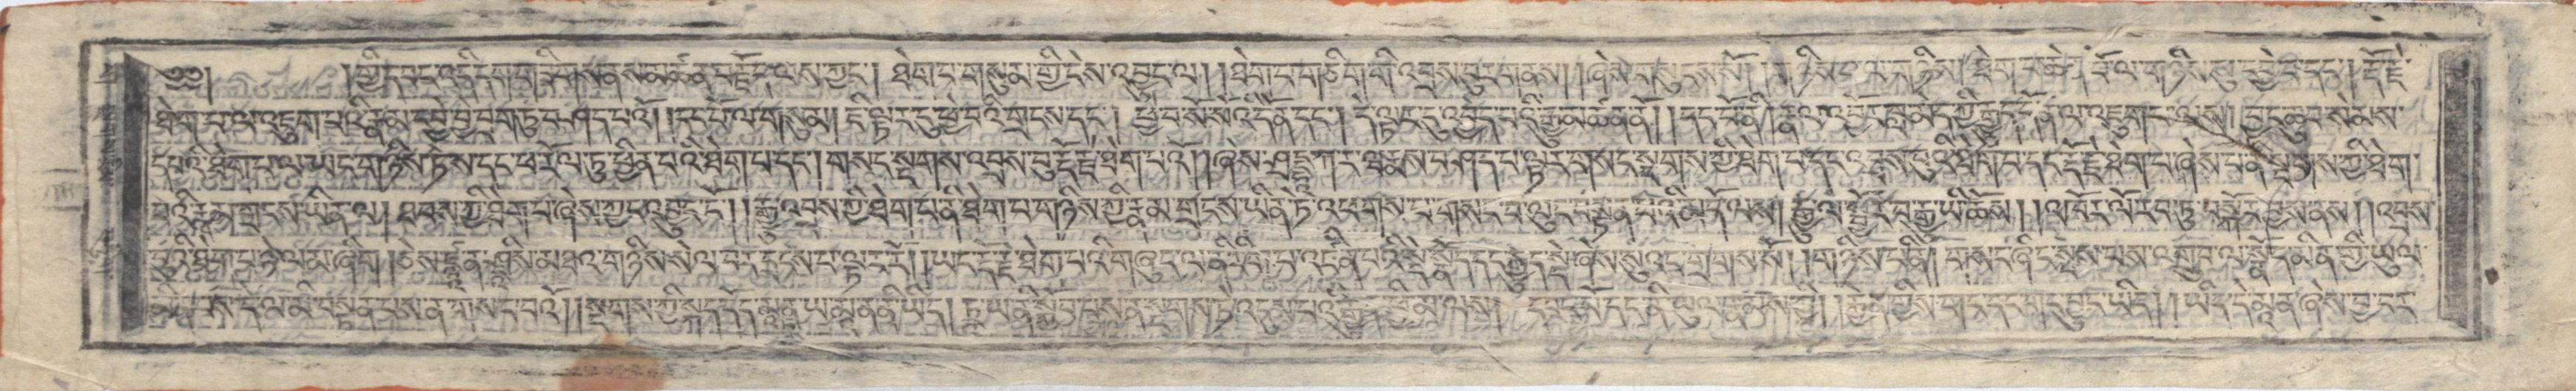༄༅། །གྱི་དབང་འདི་དག་གཟིགས་ནས་མཚན་བརྗོད་ལས་ཀྱང་། ཐེག་པ་གསུམ་གྱི་ངེས་འབྱུང་ལ། །ཐེག་པ་གཅིག་གི་འབྲས་བུར་གནས། །ཞེས་གསུངས་སོ། །གཉིས་པ་ལ་གཉིས། ཐེག་པ་ཆེན་པོ་ལ་གཉིས་སུ་དབྱེ་བ་དང་། རྡོ་རྗེ་
ཐེག་པ་ལ་འཇུག་པའི་རྣམ་དབྱེ་བྱེ་བྲག་ཏུ་བཤད་པའོ། །དང་པོ་ལ་གསུམ། ཇི་ལྟར་དུ་ཕྱེ་བའི་གྲངས་དང་། ཕྱེ་བ་སོ་སོའི་དོན་དང་། དེ་ལྟར་དུ་འབྱེད་པའི་རྒྱུ་མཚན་ནོ། །དང་པོ་ནི། རྣལ་འབྱོར་བླ་མེད་ཀྱི་རྒྱུད་དོན་ལ་འཇུག་པ་ལས། བྱང་ཆུབ་སེམས་
དཔའི་ཐེག་པ་ལ་ཡང་གཉིས་ཏེ་ས་དང་ཕ་རོལ་ཏུ་ཕྱིན་པའི་ཐེག་པ་དང་། གསང་སྔགས་འབྲས་བུ་རྡོ་རྗེ་ཐེག་པའོ། །ཞེས་ཤྲདྡྷཱ་ཀ་ར་ཝརྨས་བཤད་པ་ལྟར་གསང་སྔགས་ཀྱི་ཐེག་པ་དང་འབྲས་བུའི་ཐེག་པ་དང་རྡོ་རྗེ་ཐེག་པ་ཞེས་པ་ནི་སྔགས་ཀྱི་ཐེག་
པའི་རྣམ་གྲངས་ཡིན་ལ། ཐབས་ཀྱི་ཐེག་པ་ཞེས་ཀྱང་འབྱུང་ངོ། །རྒྱུ་འབྲས་ཀྱི་ཐེག་པ་ནི་ཐེག་པ་གཉིས་ཀྱི་རྣམ་གྲངས་ཡིན་ཏེ་འཕགས་པ་གསང་བ་ལུང་བསྟན་པའི་མདོ་ལས། རྒྱུ་ལ་སྦྱོར་བ་རྒྱུ་ཡི་ཆོས། །འཁོར་ལོ་རབ་ཏུ་བསྐོར་བྱས་ནས། །འབྲས་
བུའི་ཐེག་པ་ཉེ་ལམ་ཞིག །ཅེས་ཛྙཱ་ན་ཤྲཱིས་མཐའ་གཉིས་སེལ་བར་དྲངས་པ་ལྟར་རོ། །ཡང་རྡོ་རྗེ་ཐེག་པའི་གཞུང་ལ་ནི་རིག་པ་འཛིན་པའི་སྡེ་སྣོད་དང་རྒྱུད་སྡེ་ཞེས་སུའང་གྲགས་སོ། །གཉིས་པ་ནི། གསང་ཞིང་སྦས་པས་འགྲུབ་ལ་སྣོད་མིན་གྱི་ཡུལ་
མིན་པས་དེ་ལ་མི་བསྟན་པས་ན་གསང་བའོ། །སྔགས་ཀྱི་སྐད་དོད་མཱནྟྲཱ་ཡ་མཱ་ན་ནི་ཡིད། ཏྲཱ་ཡ་ནི་སྐྱོབ་པས་ན་སྔགས་ཏེ་འདུས་པའི་རྒྱུད་ཕྱི་མ་ལས། དབང་པོ་དང་ནི་ཡུལ་རྣམས་ཀྱི། །རྐྱེན་གྱིས་གང་དང་གང་བྱུང་ཡིད། །ཡིད་དེ་མཱན་ཞེས་བྱ་བར་